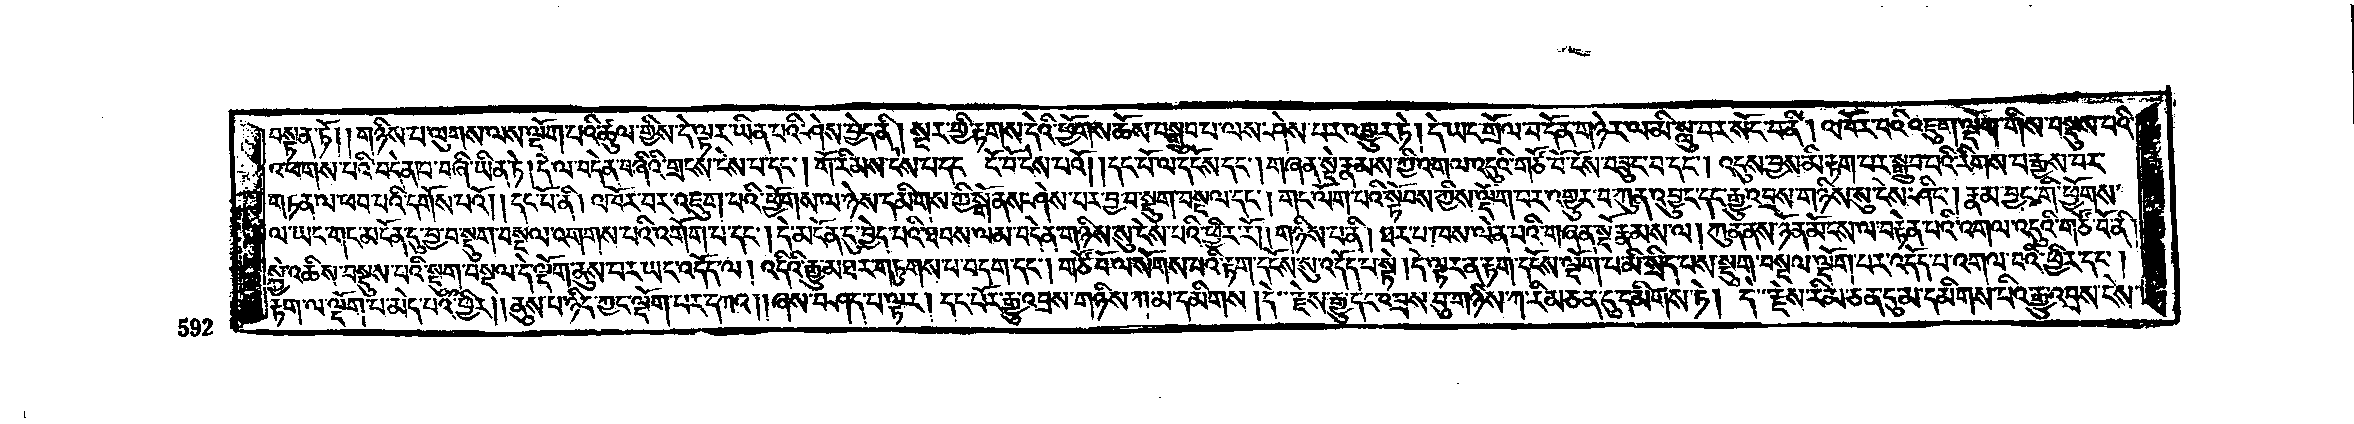བསྟན་ཏོ། །གཉིས་པ་ལུགས་ལས་ལྡོག་པའི་ཚུལ་གྱིས་དེ་ལྟར་ཡིན་པའི་ཤེས་བྱེད་ནི། སྔར་གྱི་རྟགས་དེའི་ཕྱོགས་ཆོས་བསྒྲུབ་པ་ལས་ཤེས་པར་འགྱུར་ཏེ། དེ་ཡང་གྲོལ་བ་དོན་གཉེར་ལ་མི་སླུ་བར་སོང་བ་ནི། འཁོར་བའི་འཇུག་ལྡོག་གིས་བསྡུས་པའི་
འཕགས་པའི་བདེན་པ་བཞི་ཡིན་ཏེ། དེ་ལ་བདེན་བཞིའི་གྲངས་ངེས་པ་དང་། གོ་རིམས་ངེས་པ་དང་། ངོ་བོ་ངེས་པའོ། །དང་པོ་ལ་དངོས་དང་། གཞན་སྡེ་རྣམས་ཀྱི་འགལ་འདུའི་གཙོ་བོ་ངོས་བཟུང་བ་དང་། འདུས་བྱས་མི་རྟག་པར་སྒྲུབ་པའི་རིགས་པ་རྒྱས་པར་
གཏན་ལ་ཕབ་པའི་དགོས་པའོ། །དང་པོ་ནི། འཁོར་བར་འཇུག་པའི་ཕྱོགས་ལ་ཉེས་དམིགས་ཀྱི་སྒོ་ནས་ཤེས་པར་བྱ་བ་སྡུག་བསྔལ་དང་། གང་ལོག་པའི་སྟོབས་ཀྱིས་ལྡོག་པར་འགྱུར་བ་ཀུན་འབྱུང་དང་རྒྱུ་འབྲས་གཉིས་སུ་ངེས་ཤིང་། རྣམ་བྱང་གི་ཕྱོགས་
ལ་ཡང་གང་མངོན་སུ་བྱ་བ་སྡུག་བསྔལ་འགགས་པའི་འགོག་པ་དང་། དེ་མངོན་དུ་བྱེད་པའི་ཐབས་ལམ་བདེན་གཉིས་སུ་ངེས་པའི་ཕྱིར་རོ། །གཉིས་པ་ནི། ཐར་པ་ཁས་ལེན་པའི་གཞན་སྔོ་ལ། ཀུན་ནས་ཉོན་མོངས་ལ་བརྟེན་པའི་འགལ་འདུའི་གཙོ་བོ་ནི།
སྐྱེ་འཆིས་བསྡུས་པའི་སྡུག་བསྔལ་དེ་ལྡོག་ནུས་པར་ཡང་འདོད་ལ། འདིའི་རྒྱུ་མཐར་གཏུགས་པ་བདག་དང་། གཙོ་བོ་ལ་སོགས་པའི་རྟག་དངོས་སུ་འདོད་པ་སྟེ། དེ་ལྟར་ན་རྟག་དངོས་ལྡོག་པ་མི་སྲིད་པས་སྡུག་བསྔལ་ལྡོག་པར་འདོད་པ་འགལ་བའི་ཕྱིར་དང་།
རྟག་ལ་ལྡོག་པ་མེད་པའི་ཕྱིར། །ནུས་པ་ཉིད་ཀྱང་ལྡོག་པར་དཀའ། །ཞེས་བཤད་པ་ལྟར། དང་པོར་རྒྱུ་འབྲས་གཉིས་ཀ་མ་དམིགས། དེ་རྗེས་རྒྱུ་དང་འབྲས་བུ་གཉིས་ཀ་རིམ་ཅན་དུ་དམིགས་ཏེ། དེ་རྗེས་རིམ་ཅན་དུ་མ་དམིགས་པའི་རྒྱུ་འབྲས་ངེས་